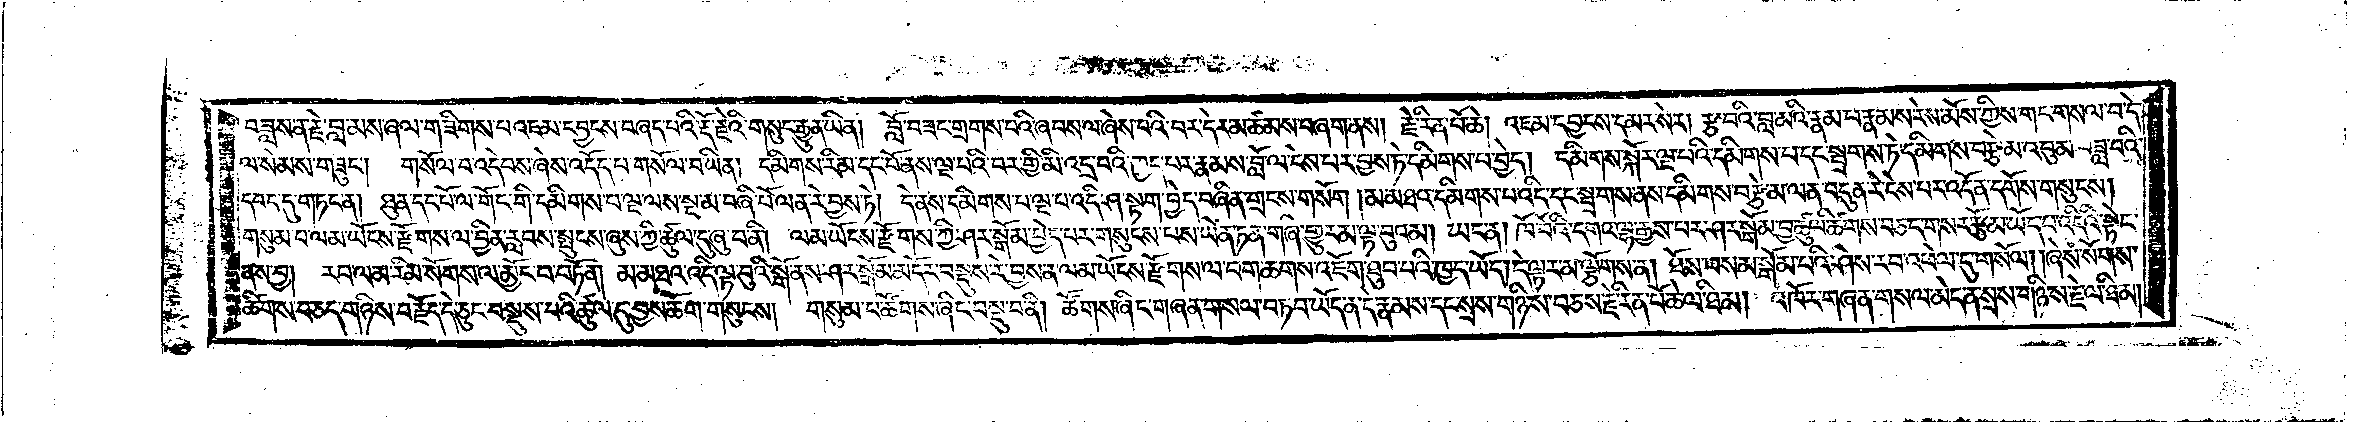བཟླས་ན་རྗེ་བླ་མས་ཞལ་གཟིགས་པ་འཇམ་དབྱངས་བཞད་པའི་རྡོ་རྗེའི་གསུང་རྒྱུན་ཡིན། བློ་བཟང་གྲགས་པའི་ཞབས་ལ་ཞེས་པའི་བར་དེར་མཚམས་བཞག་ནས། རྗེ་རིན་པོ་ཆེ། འཇམ་དབྱངས་དམར་སེར། རྩ་བའི་བླ་མའི་རྣམ་པ་རྣམས་རེས་མོས་ཀྱིས་གང་གསལ་བ་དེ་
ལ་སེམས་གཟུང་། གསོལ་བ་འདེབས་ཞེས་འདོད་པ་གསོལ་བ་ཡིན། དམིགས་རིམ་དང་པོ་ནས་ལྔ་པའི་བར་གྱི་མི་འདྲ་བའི་ཁྱད་པར་རྣམས་བློ་ལ་ངེས་པར་བྱས་ཏེ་དམིགས་པ་བྱེད། དམིགས་སྐོར་ལྔ་པའི་དམིགས་པ་དང་སྦྲགས་ཏེ་དམིགས་བརྩེམ་འབུམ་བཟླ་བའི་
དབང་དུ་གཏང་ན། ཐུན་དང་པོ་ལ་གོང་གི་དམིགས་པ་ལྔ་ལས་སྔ་མ་བཞི་པོ་ལན་རེ་བྱས་ཏེ། དེ་ནས་དམིགས་པ་ལྔ་པ་འདི་ཤ་སྟག་བྱེད་བཞིན་གྲངས་གསོག །མ་མཐའ་དམིགས་པ་འདི་དང་སྦྲགས་ནས་དམིགས་བརྩེ་མ་ལན་བདུན་རེ་ངེས་པར་འདོན་དགོས་གསུངས།
གསུམ་པ་ལམ་ཡོངས་རྫོགས་ལ་བྱིན་རླབས་སྤུངས་ཞུས་ཀྱི་ཚུལ་དུ་ཞུ་བ་ནི། ལམ་ཡོངས་རྫོགས་ཀྱི་ཤར་སྒོམ་བྱེད་པར་གསུངས་པས་ཡོན་ཏན་གཞི་གྱུར་མ་ལྟ་བུའམ། ཡང་ན། ཁོ་བོའི་དགའ་ལྷ་རྒྱས་ཕར་ཤར་སྒོམ་བྱ་ཚུལ་ཚིགས་བཅད་གསར་རྩོམ་ཡོད་པ་འདིའི་སྟེང་
ནས་བྱ། རབ་ལམ་རིམ་སོགས་ལ་མྱོང་བ་བཏོན། མ་མཐའ་འདི་ལྟ་བུའི་སྒོ་ནས་ཤར་སྒོམ་མདོར་བསྡུས་རེ་བྱས་ན་ལམ་ཡོངས་རྫོགས་ལ་བག་ཆགས་འཇོག་ཐུབ་པའི་ཁྱད་ཡོད། དེ་ལྟར་མ་ལྕོགས་ན། ཐོས་བསམ་སྒོམ་པའི་ཤེས་རབ་འཕེལ་དུ་གསོལ། །ཞེས་སོགས་
ཚིགས་བཅད་གཉིས་བརྗོད་དེ་ཅུང་བསྡུས་པའི་ཚུལ་དུ་བྱས་ཆོག་གསུངས། གསུམ་པ་ཚོགས་ཞིང་བསྡུ་བ་ནི། ཚོགས་ཞིང་གཞན་གསལ་བཏབ་ཡོད་ན་དེ་རྣམས་དང་སྲས་གཉིས་བཅས་རྗེ་རིན་པོ་ཆེ་ལ་ཐིམ། འཁོར་གཞན་གསལ་མེད་ན་སྲས་གཉིས་རྗེ་ལ་ཐིམ།